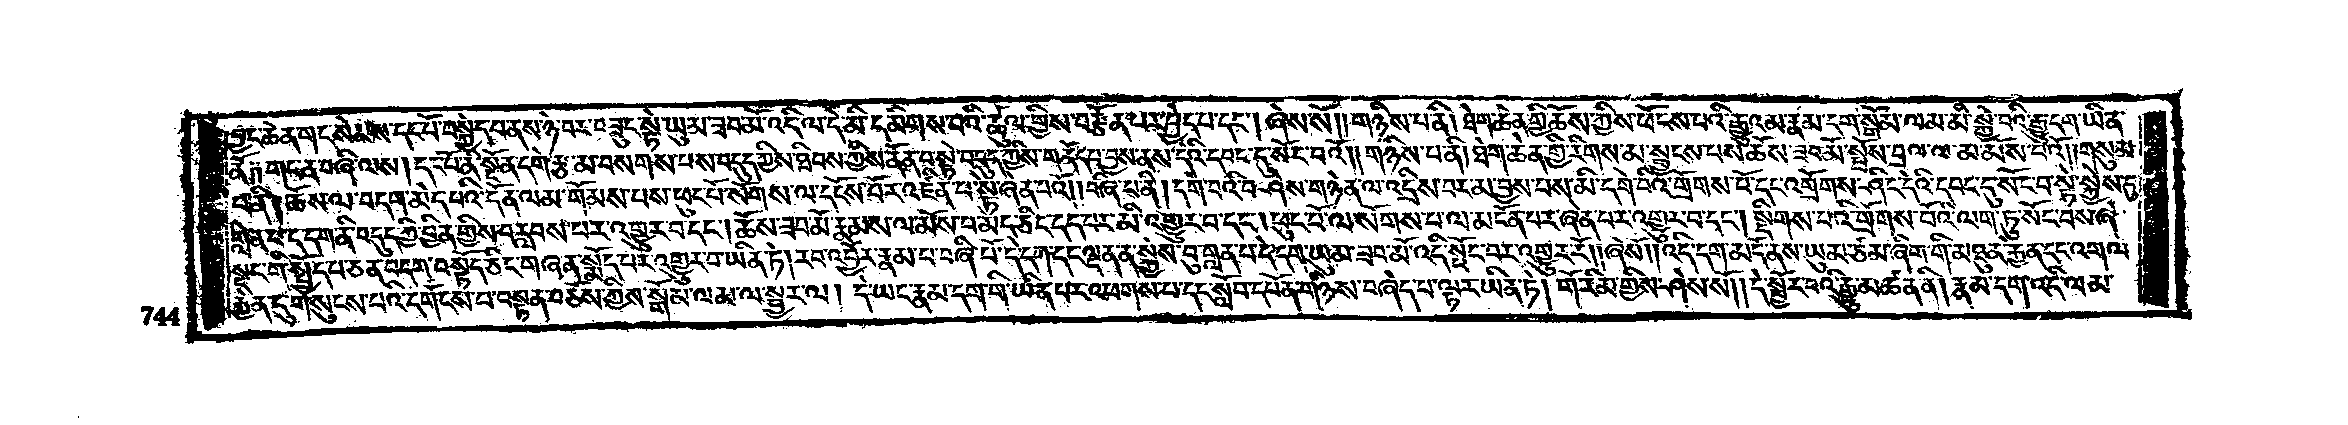བྱང་ཆེན་གང་སེམས་དང་པོ་བསྐྱེད་པ་ནས་ཉེ་བར་བཟུང་སྟེ་ཡུམ་ཟབ་མོ་འདི་ལ་དེ་མི་དམིགས་པའི་ཚུལ་གྱིས་བརྩོན་པར་བྱེད་པ་དང་། ཞེས་སོ། །གཉིས་པ་ནི། ཐེག་ཆེན་གྱི་ཆོས་ཀྱིས་ཕོངས་པའི་རྒྱུའམ་རྣམ་དག་སྒོམ་ལམ་མི་སྐྱེ་བའི་རྒྱུ་དག་ཡིན་
ནོ། །གང་ན་བཞི་ལས། དང་པོ་ནི་སྔོན་དགེ་རྩ་མ་བསགས་པས་བདུད་ཀྱིས་ཐིབས་ཀྱིས་ནོན་པ་སྟེ་བདུད་ཀྱིས་གནོད་པ་བྱས་ནས་དེའི་དབང་དུ་སོང་བའོ། །གཉིས་པ་ནི། ཐེག་ཆེན་གྱི་རིགས་མ་སྦྱངས་པས་ཆོས་ཟབ་མོ་སྤྲོས་བྲལ་ལ་མ་མོས་པའོ། །གསུམ་
པ་ནི། ཆོས་ལ་བདག་མེད་པའི་དོན་ལམ་གོམས་པས་ཕུང་པོ་སོགས་ལ་དངོས་པོར་འཛིན་པ་སྟེ་ཞེན་པའོ། །བཞི་པ་ནི། དགེ་བའི་བཤེས་གཉེན་ལ་འདྲིས་པར་མ་བྱས་པས་མི་དགེ་བའི་གྲོགས་པོ་དང་འགྲོགས་ཤིང་དེའི་དབང་དུ་སོང་བ་སྟེ་སྐྱེས་བུ་
གླེན་པ་དེ་དག་ནི་བདུད་ཀྱི་བྱིན་གྱིས་བརླབས་པར་འགྱུར་བ་དང་། ཆོས་ཟབ་མོ་རྣམས་ལ་མོས་པ་མེད་ཅིང་དད་པར་མི་འགྱུར་བ་དང་། ཕུང་པོ་ལ་སོགས་པ་ལ་མངོན་པར་ཞན་པར་འགྱུར་བ་དང་། སྡིགས་པའི་གྲོགས་པོའི་ལག་ཏུ་སོང་བས་ཞེ་
སྡང་གི་སྤྱོད་པ་ཅན་བདག་བསྟོད་ཅིང་གཞན་སྨོད་པར་འགྱུར་བ་ཡིན་ཏེ། རབ་འབྱོར་རྣམ་པ་བཞི་པོ་དེ་དག་དང་ལྡན་ན་སྐྱེས་བུ་གླན་པ་དེ་དག་ཡུམ་ཟབ་མོ་འདི་སྤོང་བར་འགྱུར་རོ། །ཞེས་སོ། །འདི་དག་མདོ་ནས་ཡུམ་ཙམ་ཞིག་གི་མཐུན་རྐྱེན་དང་འགལ་
རྐྱེན་དུ་གསུངས་པའི་དགོངས་པ་བསྟན་བཅོས་ཀྱིས་སྒོམ་ལམ་ལ་སྦྱར་ལ། དེ་ཡང་རྣམ་དག་གི་ཡིན་པར་འཕགས་པ་དང་སློབ་དཔོན་གཉིས་བཞེད་པ་ལྟར་ཡིན་ཏེ། གོ་རིམ་གྱིས་ཤེས་སོ། །དེ་སྦྱོར་བའི་རྒྱུ་མཚན་ནི། རྣམ་དག་འདི་ལམ་